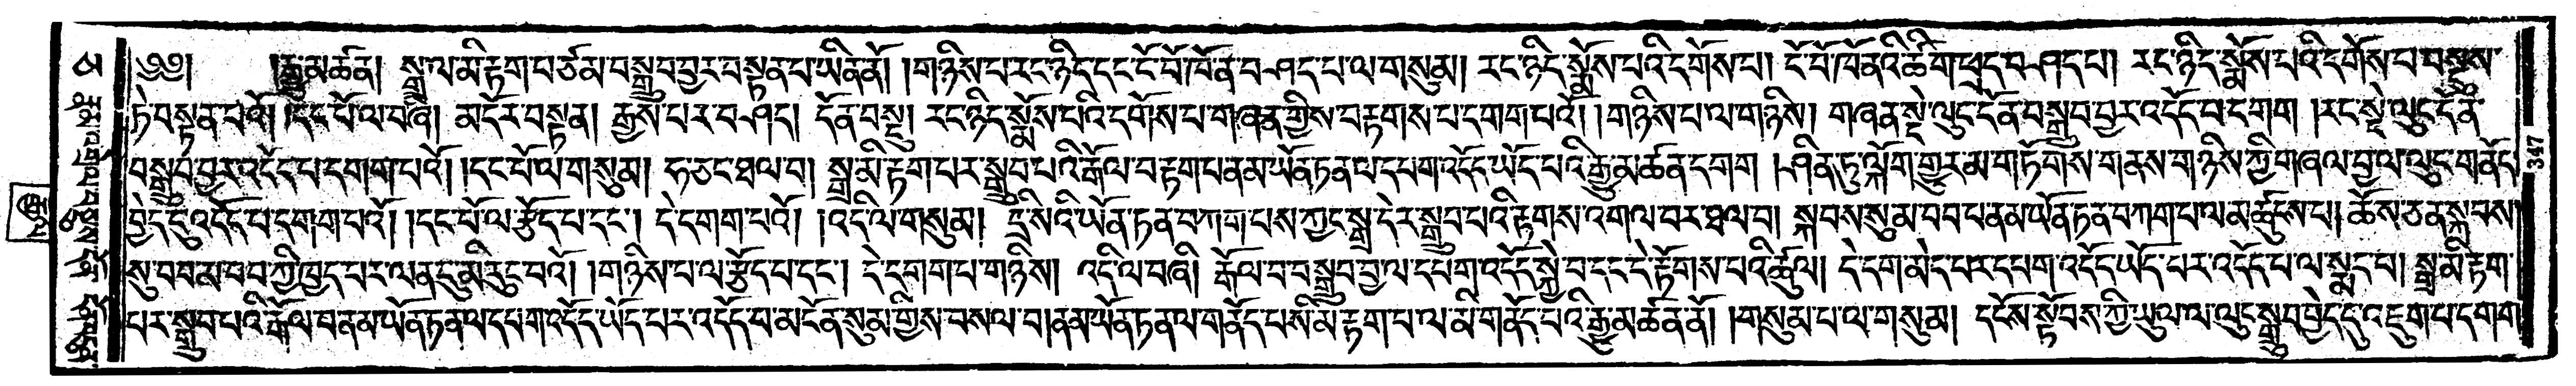༄༅། །རྒྱུ་མཚན། སྒྲ་ལ་མི་རྟག་པ་ཙམ་བསྒྲུབ་བྱར་བསྟན་པ་ཡིན་ནོ། །གཉིས་པ་རང་ཉིད་དང་ངོ་བོ་ཁོ་ན་བཤད་པ་ལ་གསུམ། རང་ཉིད་སྨོས་པའི་དགོས་པ། ངོ་བོ་ཁོ་ནའི་ཚིག་ཕྲད་བཤད་པ། རང་ཉིད་སྨོས་པའི་དགོས་པ་བསྡུས་
ཏེ་བསྟན་པའོ། །དང་པོ་ལ་བཞི། མདོར་བསྟན། རྒྱས་པར་བཤད། དོན་བསྡུ། རང་ཉིད་སྨོས་པའི་དགོས་པ་གཞན་གྱིས་བརྟགས་པ་དགག་པའོ། །གཉིས་པ་ལ་གཉིས། གཞན་སྡེ་ལུང་དོན་བསྒྲུབ་བྱར་འདོད་པ་དགག །རང་སྡེ་ལུང་དོན་
བསྒྲུབ་བྱར་འདོད་པ་དགག་པའོ། །དང་པོ་ལ་གསུམ། ཧ་ཅང་ཐལ་བ། སྒྲ་མི་རྟག་པར་སྒྲུབ་པའི་རྒོལ་བ་རྟག་པ་ནམ་ཡོན་ཏན་ལ་དཔག་འདོད་ཡོད་པའི་རྒྱུ་མཚན་དགག །ཤིན་ཏུ་ལྐོག་གྱུར་མ་གཏོགས་གནས་གཉིས་ཀྱི་གཞལ་བྱ་ལ་ལུང་གནོད་
བྱེད་དུ་འདོད་པ་དགག་པའོ། །དང་པོ་ལ་རྩོད་པ་དང་། དེ་དགག་པའོ། །འདི་ལ་གསུམ། དྲི་སའི་ཡོན་ཏན་བཀག་པས་ཀྱང་སྒྲ་དེར་སྒྲུབ་པའི་རྟགས་འགལ་བར་ཐལ་བ། སྐབས་སུ་མ་བབ་པ་ནམ་ཡོན་ཏན་བཀག་པ་ལ་མཚུངས་པ། ཆོས་ཅན་སྐབས་
སུ་བབ་མ་བབ་ཀྱི་ཁྱད་པར་ལན་དུ་མི་རུང་བའོ། །གཉིས་པ་ལ་རྩོད་པ་དང་། དེ་དགག་པ་གཉིས། འདི་ལ་བཞི། རྒོལ་བ་བསྒྲུབ་བྱ་ལ་དཔག་འདོད་སྐྱེ་བ་དང་དེ་རྟོགས་པའི་ཚུལ། དེ་དག་མེད་པར་དཔག་འདོད་ཡོད་པར་འདོད་པ་ལ་སྨད་པ། སྒྲ་མི་རྟག་
པར་སྒྲུབ་པའི་རྒོལ་བ་ནམ་ཡོན་ཏན་ལ་དཔག་འདོད་ཡོད་པར་འདོད་པ་མངོན་སུམ་གྱིས་བསལ་བ། ནམ་ཡོན་ཏན་ལ་གནོད་པས་མི་རྟག་པ་ལ་མི་གནོད་པའི་རྒྱུ་མཚན་ནོ། །གསུམ་པ་ལ་གསུམ། དངོས་སྟོབས་ཀྱི་ཡུལ་ལ་ལུང་སྒྲུབ་བྱེད་དུ་འཇུག་པ་དགག་